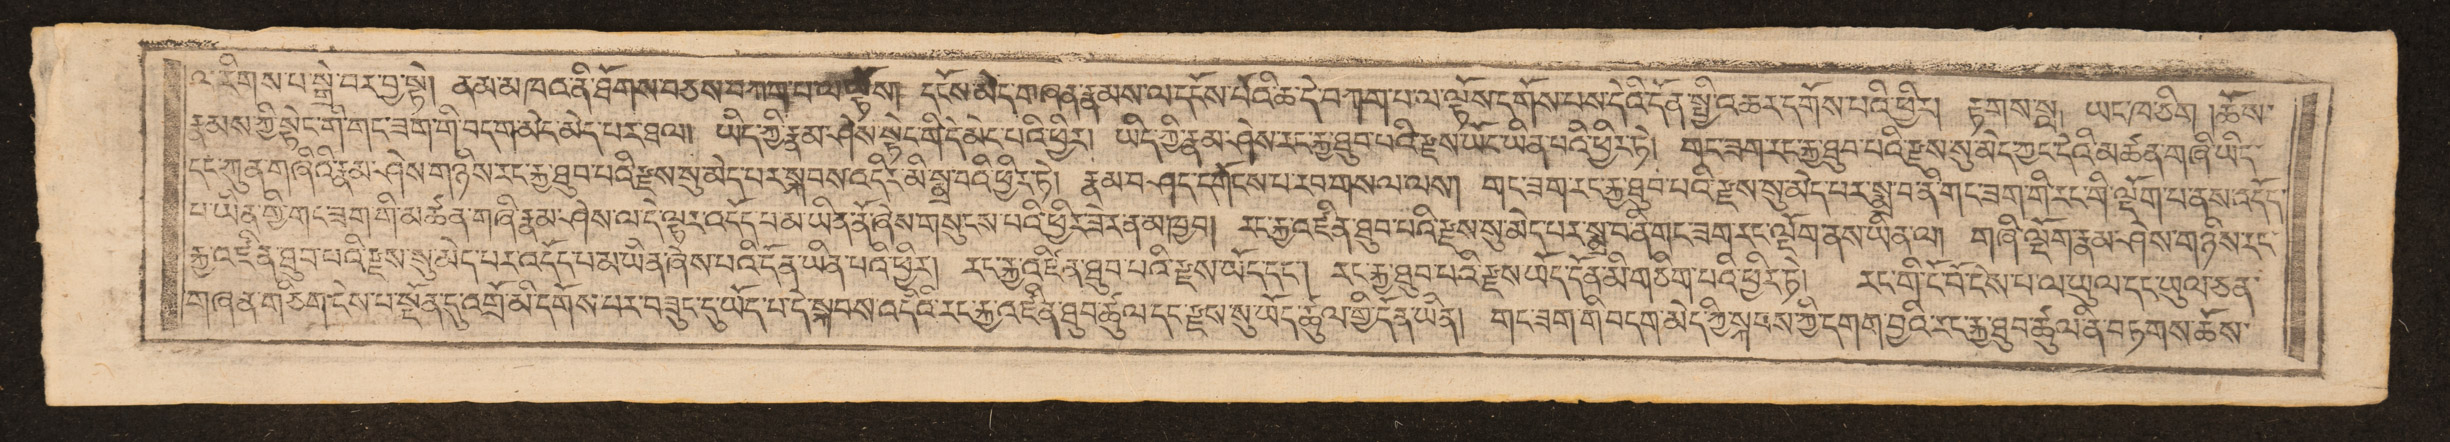ལ་རིགས་པ་སྒྲེ་བར་བྱ་སྟེ། ནམ་མཁའ་ནི་ཐོགས་བཅས་བཀག་པ་ལ་ལྟོས། དངོས་མེད་གཞན་རྣམས་ལ་དངོས་པོའི་ཆ་དེ་བཀག་པ་ལ་ལྟོས་དགོས་པས་དེའི་དོན་སྤྱི་འཆར་དགོས་པའི་ཕྱིར། རྟགས་སླ། ཡང་ཁ་ཅིག །ཆོས་
རྣམས་ཀྱི་སྟེང་གི་གང་ཟག་གི་བདག་མེད་མེད་པར་ཐལ། ཡིད་ཀྱི་རྣམ་ཤེས་སྟེང་གི་དེ་མེད་པའི་ཕྱིར། ཡིད་ཀྱི་རྣམ་ཤེས་རང་རྐྱ་ཐུབ་པའི་རྫས་ཡོད་ཡིན་པའི་ཕྱིར་ཏེ། གང་ཟག་རང་རྐྱ་ཐུབ་པའི་རྫས་སུ་མེད་ཀྱང་དེའི་མཚན་གཞི་ཡིད་
དང་ཀུན་གཞིའི་རྣམ་ཤེས་གཉིས་རང་རྐྱ་ཐུབ་པའི་རྫས་སུ་མེད་པར་སྐབས་འདིར་མི་སྨྲ་བའི་ཕྱིར་ཏེ། རྣམ་བཤད་དགོངས་པ་རབ་གསལ་ལས། གང་ཟག་རང་རྐྱ་ཐུབ་པའི་རྫས་སུ་མེད་པར་སྨྲ་བ་ནི་གང་ཟག་གི་རང་གི་ལྡོག་པ་ནས་འདོད་
པ་ཡིན་གྱི་གང་ཟག་གི་མཚན་གཞི་རྣམ་ཤེས་ལ་དེ་ལྟར་འདོད་པ་མ་ཡིན་ནོ་ཞེས་གསུངས་པའི་ཕྱིར་ཟེར་ན་མ་ཁྱབ། རང་རྐྱ་འཛིན་ཐུབ་པའི་རྫས་སུ་མེད་པར་སྨྲ་བ་ནི་གང་ཟག་རང་ལྡོག་ནས་ཡིན་ལ། གཞི་ལྡོག་རྣམ་ཤེས་གཉིས་རང་
རྒྱ་འཛིན་ཐུབ་པའི་རྫས་སུ་མེད་པར་འདོད་པ་མ་ཡིན་ཞེས་པའི་དོན་ཡིན་པའི་ཕྱིར། རང་རྐྱ་འཛིན་ཐུབ་པའི་རྫས་ཡོད་དང་། རང་རྐྱ་ཐུབ་པའི་རྫས་ཡོད་དོན་མི་གཅིག་པའི་ཕྱིར་ཏེ། རང་གི་ངོ་བོ་ངེས་པ་ལ་ཡུལ་དང་ཡུལ་ཅན་
གཞན་གཅིག་ངེས་པ་སྔོན་དུ་འགྲོ་མི་དགོས་པར་བཟུང་དུ་ཡོད་པ་དེ་སྐབས་འདིའི་རང་རྐྱ་འཛིན་ཐུབ་ཚུལ་དང་རྫས་སུ་ཡོད་ཚུལ་གྱི་དོན་ཡིན། གང་ཟག་གི་བདག་མེད་ཀྱི་སྐབས་ཀྱི་དགག་བྱའི་རང་རྐྱ་ཐུབ་ཚུལ་ནི་བཏགས་ཆོས་